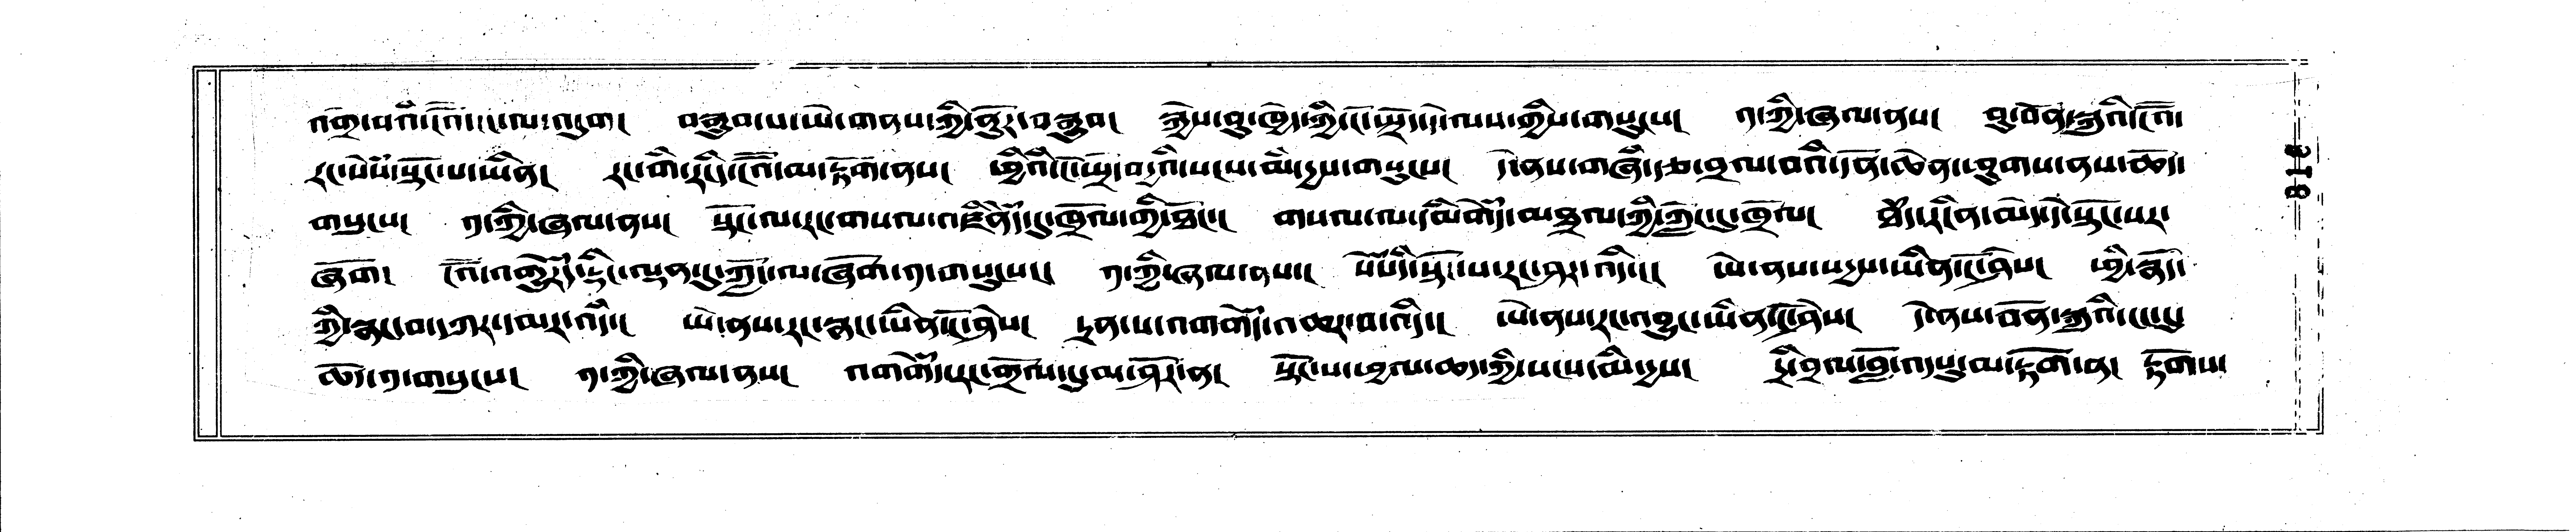འགྲོ་བའི་ངོའོ་ངང་ལ་འདུག །བསྒྲུབ་པ་ཡེ་གནས་ཀྱི་ནོར་བུ་བསྒྲུབ། །སྐྱེས་བུ་ཁྱེད་ཀྱི་ངོ་སྤྲོད་དེ་ལས་གྱིས་གསུངས། གཅིག་གི་ཞལ་ནས། བུ་བོན་སྐུའི་ངོའོ་
རང་སེམས་སྟོང་པ་ཡིན། །རང་གི་རང་ཉིད་ངོའོ་མ་རྟོགས་ན། །ཕྱིའི་ངོ་སྤྲོད་བརྒྱ་ཡིས་སངས་མི་རྒྱས་གསུངས། དེ་ནས་གཞི་རྩ་བྲལ་བའི་དོན་ཆེན་ཕུགས་ནས་ཆོད་
གསུངས། གཅིག་གི་ཞལ་ནས། སྟོང་ལ་རང་གསལ་འཛིན་མེད་དུ་ཁྲོལ་གྱིས་ཐོངས། གསལ་ལ་དམིགས་མེད་མཐའ་བྲལ་གྱི་ཀློང་དུ་ཁྲོལ། ཐམས་ཅད་རང་བཞིན་མེད་དེ་སྟོང་པར་
ཞོག ངོའོ་འགྱུར་མེད་རྡིང་ལྡན་དུ་ཀློད་ལ་ཞོག་ཅིག་གསུངས། གཅིག་གི་ཞལ་ནས། སེམས་ཉིད་སྟོང་པ་རང་ཤར་འདི། །ཡེ་ནས་སངས་རྒྱས་ཡིན་ངོ་ཤེས། །ཕྱི་སྣོད་
ཀྱི་སྣང་བ་དཀར་དམར་འདི། །ཡེ་ནས་རང་སྣང་ཡིན་ངོ་ཤེས། །དྲན་པ་འགག་མེད་འཆར་བ་འདི། །ཡེ་ནས་རང་འབྱུང་ཡིན་ངོ་ཤེས། །དེ་ནས་བོན་སྐུའི་ངང་དུ་
ཆོད་ཅིག་གསུངས། གཅིག་གི་ཞལ་ནས། འགག་མེད་རང་གྲོལ་དུ་མ་ཤོར་ན། སྟོང་པ་ཕྱལ་ཆད་ཀྱིས་སངས་མི་རྒྱས། དྲི་བྲལ་བློ་འདས་སུ་མ་རྟོགས་ན། རྟོག་